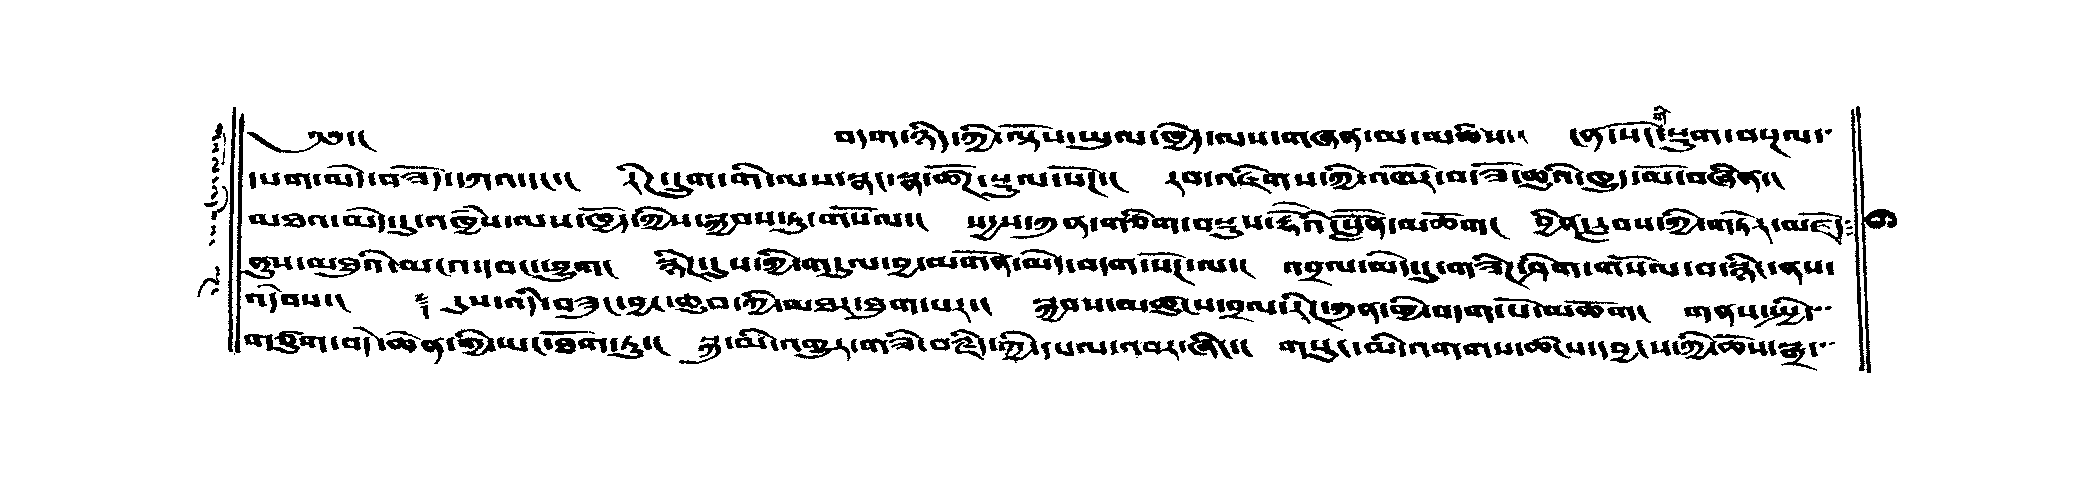།བདག་ཉིད་ཀྱི་ལྟོས་ཡུལ་ཁྱོད་ལས་གཞན་མ་མཆིས། །ངན་སོང་གི་སྡུང་བསྔལ་
དཔག་མེད་བཟོད་དཀའ་དང་། །རིགས་དྲུག་གི་ལས་སྣང་སྣ་ཚོགས་སྡུག་བསྔལ་སོགས། །རབ་འཇིགས་ཀྱི་འཁོར་བ་ཟོ་ཆུའི་ཁྱུད་མོ་བཞིན། །
མཐའ་མེད་དུ་འཁྱམས་ལས་ཁྱོད་ཀྱིས་སྐྱབས་སུ་གསོལ། །སངས་རྒྱས་ཀུན་གཅིག་བསྡུས་རྡོ་རྗེའི་སློབ་དཔོན་མཆོག།བྱིན་རླབས་ཀྱི་གཏེར་མཛོད་
ནུས་མཐུའི་མངའ་དབང་ཕྱུག །སྙིགས་དུས་ཀྱི་གདུལ་བྱ་མགོན་མེད་བདག་སོགས་ལ། །འབྲལ་མེད་དུ་གཟིགས་ཤིག་གསོལ་བ་སྙིང་ནས་
འདེབས། ༈ དུས་འདི་བཟུང་བྱང་ཆུབ་ཀྱི་མཐར་ཐུག་བར། །སྐྱབས་མཚུངས་བྲལ་རིགས་ཀུན་གྱི་བདག་པོ་མཆོག །གནས་སྤྱི་
གཙུག་བདེ་ཆེན་གྱི་ཡང་ཐོག་ཏུ། །སྐུ་མི་འགྱུར་གཟི་བརྗིད་ཀྱི་དཔལ་འབར་ཞིང་། །གསུང་མི་འགགས་ཚངས་དབྱངས་ཀྱི་ཆོས་སྒྲ་